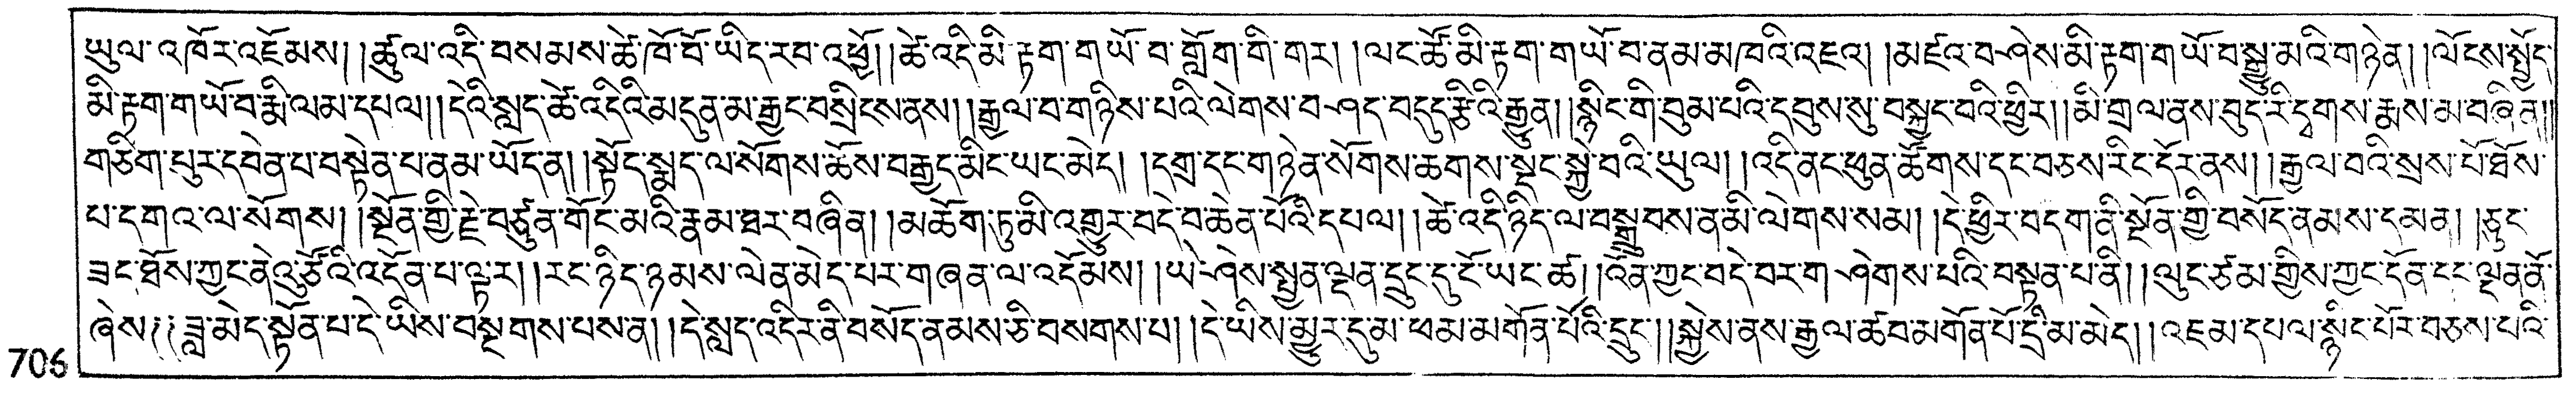ཡུལ་འཁོར་འཇོམས། །ཚུལ་འདི་བསམས་ཚེ་ཁོ་བོ་ཡིད་རབ་འཕྱོ། །ཚེ་འདི་མི་རྟག་གཡོ་བ་གློག་གི་གར། །ལང་ཚོ་མི་རྟག་གཡོ་བ་ནམ་མཁའི་འཇའ། །མཛའ་བཤེས་མི་རྟག་གཡོ་བ་སྒྱུ་མའི་གཉེན། །ལོངས་སྤྱོད་
མི་རྟག་གཡོ་བ་རྨི་ལམ་དཔལ། །དེའི་སླད་ཚེ་འདིའི་མདུན་མ་རྒྱང་བསྲིངས་ནས། །རྒྱལ་བ་གཉིས་པའི་ལེགས་བཤད་བདུད་རྩིའི་རྒྱུན། །སྙིང་གི་བུམ་པའི་དབུས་སུ་བསྐྱང་བའི་ཕྱིར། །མི་གྲལ་ནས་བུད་རི་དྭགས་རྨས་མ་བཞིན། །
གཅིག་པུར་དབེན་པ་བསྟེན་པ་ནམ་ཡོད་ན། །སྟོད་སྨད་ལ་སོགས་ཆོས་བརྒྱད་མིང་ཡང་མེད། །དགྲ་དང་གཉེན་སོགས་ཆགས་སྡང་སྐྱེ་བའི་ཡུལ། །འདི་ནང་ཕུན་ཚོགས་དང་བཅས་རིང་དོར་ནས། །རྒྱལ་བའི་སྲས་པོ་ཐོས་
པ་དགའ་ལ་སོགས། །སྔོན་གྱི་རྗེ་བཙུན་གོང་མའི་རྣམ་ཐར་བཞིན། །མཆོག་ཏུ་མི་འགྱུར་བདེ་བ་ཆེན་པོའི་དཔལ། །ཚེ་འདི་ཉིད་ལ་བསྒྲུབས་ན་མི་ལེགས་སམ། །དེ་ཕྱིར་བདག་ནི་སྔོན་གྱི་བསོད་ནམས་དམན། །ཅུང་
ཟད་ཐོས་ཀྱང་ནེའུ་ཙོའི་འདོན་པ་ལྟར། །རང་ཉིད་ཉམས་ལེན་མེད་པར་གཞན་ལ་འདོམས། །ཡེ་ཤེས་སྤྱན་ལྡན་དྲུང་དུ་ངོ་ཡང་ཚ། །འོན་ཀྱང་བདེ་བར་གཤེགས་པའི་བསྟན་པ་ནི། །ལུང་ཙམ་གྱིས་ཀྱང་དོན་དང་ལྡན་ནོ་
ཞེས། །ཟླ་མེད་སྟོན་པ་དེ་ཡིས་བསྔགས་པས་ན། །དེ་སླད་འདིར་ནི་བསོད་ནམས་ཅི་བསགས་པ། །དེ་ཡིས་མྱུར་དུ་མ་ཕམ་མགོན་པོའི་དྲུང་། །སྐྱེས་ནས་རྒྱལ་ཚབ་མགོན་པོ་དྲི་མ་མེད། །འཇམ་དཔལ་སྙིང་པོར་བཅས་པའི་